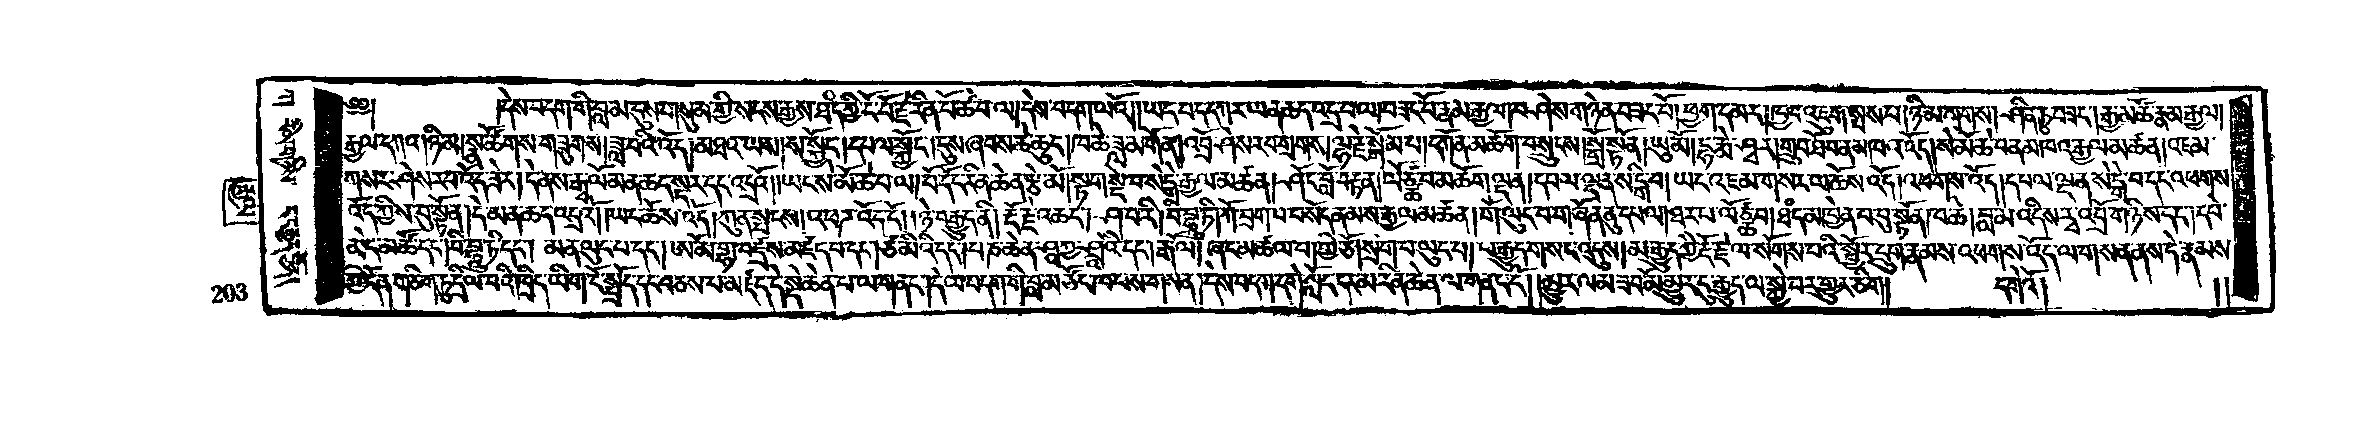༄༅། །དེས་བདག་གི་བླ་མ་དུས་གསུམ་གྱི་སངས་རྒྱས་ཐམས་ཅད་ཀྱི་ངོ་བོ་རྗེ་རིན་པོ་ཆེ་བ་ལ། དེས་བདག་ལའོ། །ཡང་པད་དཀར་ཡན་ཆད་འདྲ་བ་ལ། བཟང་པོ་རྣམ་རྒྱལ། བཤེས་གཉེན་བཟང་པོ། ཕྱག་དམར། ཁྱབ་འཇུགས་པས་པ། ཉི་མ་གགས།?  ཤིན་ཏུ་བཟང་། རྒྱ་མཚོ་རྣམ་རྒྱལ།
རྒྱལ་དཀའ། ཉི་མ། སྣ་ཚོགས་གཟུགས། ཟླ་བའི་འོད། མཐའ་ཡས། ས་སྐྱོང་། དཔལ་སྐྱོང་། དུས་ཞབས་ཆེ་ཆུང་། ཁ་ཆེ་ཟླ་མགོན། འབྲོ་ཤེས་རབ་གྲགས། ལྷ་རྗེ་སྒོམ་པ། དཀོན་མཆོག་བསྲུངས། སྒྲོ་སྟོན། ཡུ་མོ། དྷ་རྨེ་ཤྭར། གྲུབ་ཐོབ་ནམ་མཁའ་འོད། སེ་མོ་ཆེ་བ་ནམ་མཁའ་རྒྱལ་མཚན། འཇམ་
གསར་ཤེས་རབ་འོད་ཟེར། དེ་ནས་རྒྭ་ལོ་མན་ཆད་སྡར་དང་འདྲའོ། །ཡང་སེ་མོ་ཆེ་བ་ལ། བོ་དོང་རིན་ཆེན་རྩེ་མོ། སྟག་སྡེ་བ་སེངགེ་རྒྱལ་མཚན། ཤོད་བློ་བརྟན། ལོ་ཙྪ་བ་མཆོག་ལྡན། དཔལ་ལྡན་སིངགེ་བ། ཡང་འཇམ་གསར་ལ་ཆོས་འོད། འཕགས་འོད། དཔལ་ལྡན་སེངགེ་བ་དང་འཕགས་
འོད་ཀྱིས་བུ་སྟོན། དེ་མན་ཆད་འདྲའོ། །ཡང་ཆོས་འོད། ཀུན་སྤངས། འཕགས་འོད་དོ། །ཉེ་བརྒྱུད་ནི། རྡོ་རྗེ་འཆང་། ཤ་བ་རི། བི་བྷཱུ་ཏི། ཀོ་བྲག་པ་བསོད་ནམས་རྒྱལ་མཚན། གོ་ལུང་བ་གཞོན་ནུ་དཔལ། ཐམས་ཅད་མཁྱེན་པ་བུ་སྟོན་ཁ་ཆེ། བླ་མ་འདིས་རྭ་འགྲོ་གཉིས་དང་། དཔེ་
མེད་མཚོ་དང་། བི་བྷཱུ་ཏི་དང་། མན་ལུང་པ་དང་། ཨ་མོ་གྷ་བྫྲས་མཛད་པ་དང་། ཙ་མིའི་དང་། པཎ་ཆེན་ཤཱཀྱ་ཤྲཱའི་དང་། རྒ་ལ། ཞང་མཚལ་བ། གྱི་ཅོ། སྲེག?་པ་ལུང་པ། བརྒྱུད་གསང་འདུས། མ་རྒྱུད་ཀྱི་རྡོ་རྗེ་ལ་སོགས་པའི་སྦྱོར་དྲུག་རྣམས་འཕགས་འོད་ལ་གསན་ནས་དེ་རྣམས་
ཀྱི་དོན་གཅིག་ཏུ་དྲིལ་བའི་ཁྲིད་ཡིག་ངོ་སྤྲོད་དང་བཅས་པ་མཛད་དེ་སྡེ་ཆེན་པ?་ལ་གནང་། དེ་ལ་བདག་གི་བླ་མ་ཙོང་ཁ་པས་གསན། དེས་བདག་དགེ་སློང་དར་མ་རིན་ཆེན་ལ་གནང་ངོ། །མྱུར་ལམ་ཟབ་མོ་མྱུར་དུ་རྒྱུད་ལ་སྐྱེ་བར་གྱུར་ཅིག །དགེའོ། །།